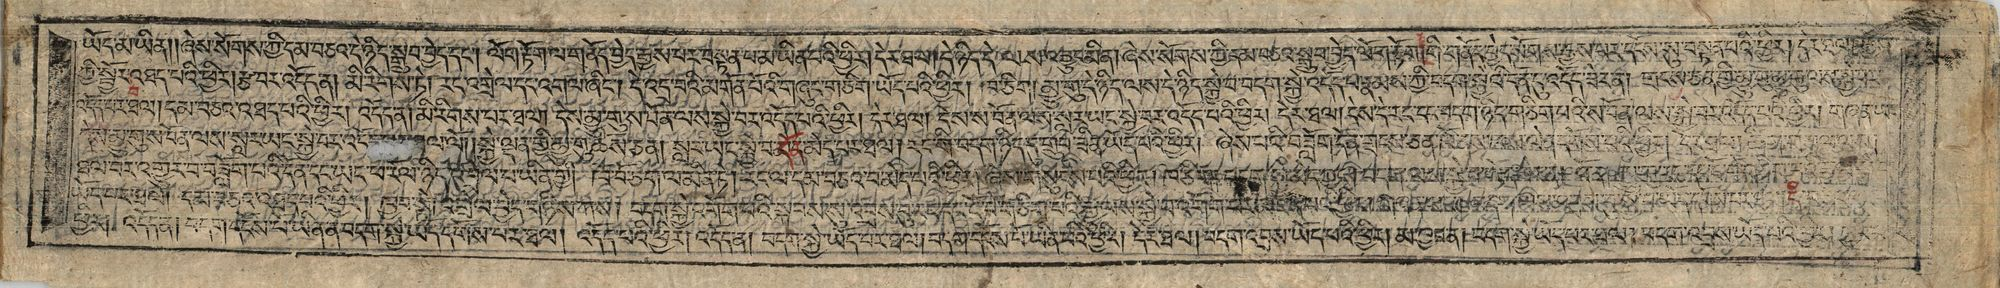ཡོད་མ་ཡིན། །ཞེས་སོགས་ཀྱི་དམ་བཅའ་དེ་ཉིད་སྒྲུབ་བྱེད་དང་། ལོག་རྟོག་ལ་གནོད་བྱེད་རྒྱས་པར་བསྟན་པ་མ་ཡིན་པའི་ཕྱིར། དེར་ཐལ། དེ་ཉིད་དེ་ལས་འབྱུང་མིན། ཞེས་སོགས་ཀྱི་དམ་བཅའ་སྒྲུབ་བྱེད་ལོག་རྟོག་གི་གནོད་བྱེད་སོགས་རྒྱས་པར་དངོས་སུ་བསྟན་པའི་ཕྱིར། དེར་ཐལ། ཁྱོད་
ཀྱི་སྦྱོར་བ་འཐད་པའི་ཕྱིར། རྩ་བར་འདོད་ན། མི་རིགས་ཏེ། རང་འགྲེལ་དང་འགལ་ཞིང་། དེ་འདྲ་བའི་མགོན་པོའི་གཞུང་གཅིག་ཡོད་པའི་ཕྱིར། ཁ་ཅིག །མྱུ་གུ་དེ་ཉིད་ལས་དེ་ཉིད་སྐྱེ་བ་བདག་སྐྱེ་འདོད་པ་རྣམས་ཀྱི་བདག་སྐྱེའི་དོན་དུ་འདོད་ཟེར་ན། གྲངས་ཅན་གྱི་མྱུ་གུ་མྱུ་གུ་ལས་སྐྱེ་བར་
འདོད་པར་ཐལ། དམ་བཅའ་འཐད་པའི་ཕྱིར། འདོད་ན། མི་རིགས་པར་ཐལ། དེས་མྱུ་གུ་ས་བོན་ལས་སྐྱེ་བར་འདོད་པའི་ཕྱིར། དེར་ཐལ། དེས་ས་བོན་ལས་སླར་ཡང་སྐྱེ་བར་འདོད་པའི་ཕྱིར། དེར་ཐལ། དེས་དེ་རང་དང་བདག་ཉིད་གཅིག་པའི་ས་བོན་ལས་སྐྱེ་བར་འདོད་པའི་ཕྱིར། གཞན་ཡང་
དེས་མྱུ་གུ་ས་བོན་ལས་སླར་ཡང་སྐྱེ་བར་འདོད་པར་ཐལ་ལོ། །སྐྱེ་ལྡན་གྱི་མྱུ་གུ་ཆོས་ཅན། སླར་ཡང་སྐྱེ་བ་དོན་མེད་པར་ཐལ། རང་གི་བདག་ཉིད་དུ་གྲུབ་ཟིན་ཡོད་པའི་ཕྱིར། ཞེས་པའི་བཟློག་དོན་གྲངས་ཅན་ཁོ་ནས་ཁས་ལེན་དགོས་པའི་ཕྱིར། དེར་ཐལ། ཚིག་གསལ་ལས།
ཐལ་བར་འགྱུར་བ་བཟློག་པའི་དོན་དང་ཡང་ཕ་རོལ་ཉིད་འབྲེལ་པ་ཡིན་གྱི། ཁོ་བོ་ཅག་ལ་མིན་ཏེ། རང་ལ་དམ་བཅའ་བ་མེད་པའི་ཕྱིར། ཞེས་གསུངས་པའི་ཕྱིར། ཁ་ཅིག །བདག་སྐྱེ་མེད་ཀྱང་། བདག་ལས་སྐྱེ་བ་ཡོད་ཟེར་ན། འོ་ན། མྱུ་གུ་རང་དང་ངོ་བོ་གཅིག་པའི་རྒྱུ་ལས་སྐྱེ་བ་
ཡོད་པར་ཐལ། དམ་བཅའ་འཐད་པའི་ཕྱིར། ཁྱབ་སྟེ། འགྲེལ་བྱེད་གཉིས་ཀས། བདག་སྐྱེ་འགོག་པའི་སྐབས་སུ་འབྲས་བུ་རང་དང་ངོ་བོ་གཅིག་པའི་རྒྱུ་ལས་སྐྱེ་བ་འགོག་པར་མཛད་པའི་ཕྱིར། གཞན་ཡང་། བདག་ལས་འབྲས་བུ་སྐྱེ་བ་ཡོད་དགོས་པར་ཐལ། དམ་བཅའ་འཐད་
ཕྱིར། འདོད་ན། བདག་དངོས་པོ་ཡིན་ན་བདག་སྐྱེ་ཡོད་དགོས་པར་ཐལ། འདོད་པའི་ཕྱིར། འདོད་ན། བདག་སྐྱེ་ཡོད་པར་ཐལ། བདག་དངོས་པོ་ཡིན་པའི་ཕྱིར། དེར་ཐལ། བདག་འབྲས་ཡོད་པའི་ཕྱིར། མ་ཁྱབ་ན། བདག་སྐྱེ་ཡོད་པར་ཐལ། བདག་འབྲས་ཡོད་པའི་ཕྱིར། ཁྱབ་པ་